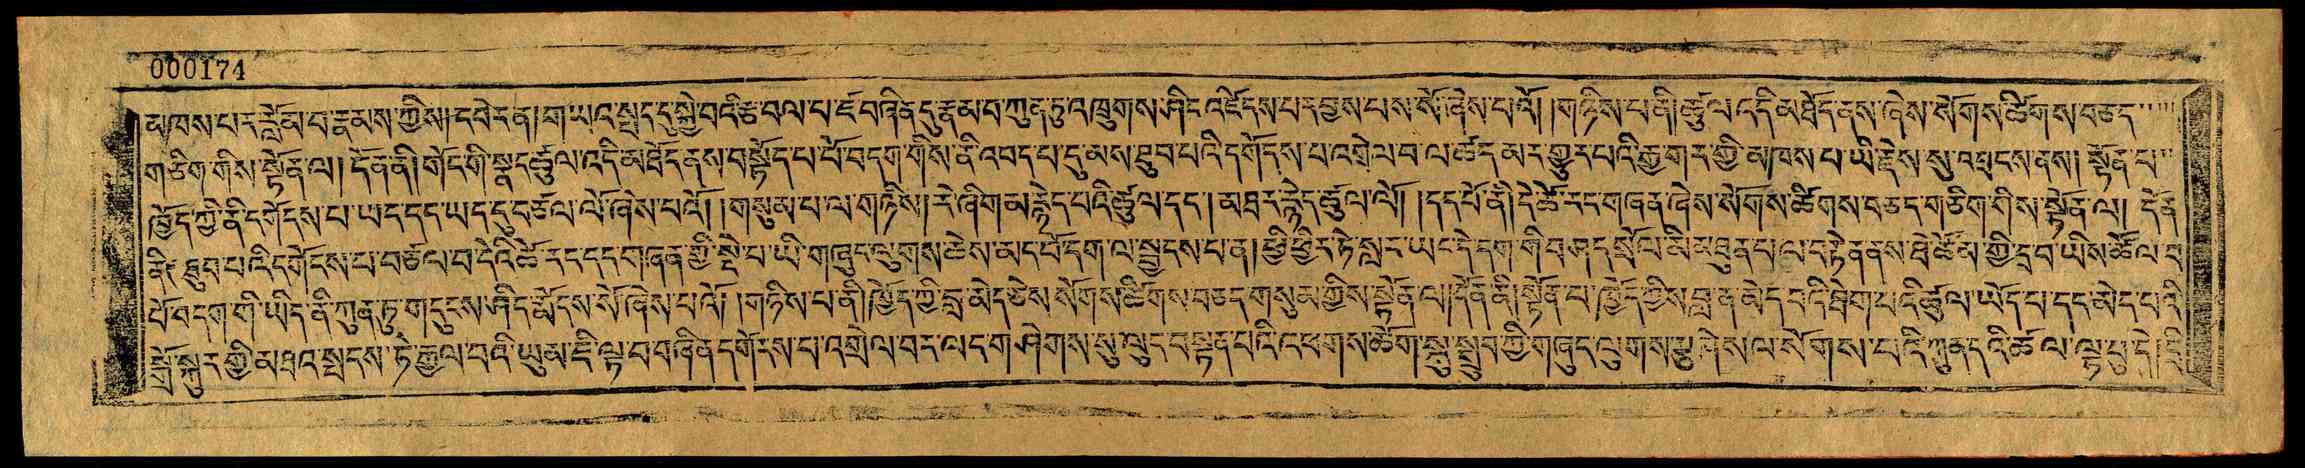མཁས་པར་རློམ་པ་རྣམས་ཀྱིས། དཔེར་ན། གཡའ་སྤང་དུ་སྐྱེ་བའི་རྩྭ་བལ་པ་ཛ་བཞིན་དུ་རྣམ་པ་ཀུན་ཏུ་འཁྲུགས་ཤིང་འཛིངས་པར་བྱས་པས་སོ་ཞེས་པའོ། །གཉིས་པ་ནི། ཚུལ་འདི་མཐོང་ནས་ཞེས་སོགས་ཚིགས་བཅད་
གཅིག་གིས་སྟོན་ལ། དོན་ནི། གོང་གི་སྣང་ཚུལ་འདི་མཐོང་ནས་བསྟོད་པ་པོ་བདག་གིས་ནི་འབད་པ་དུ་མས་ཐུབ་པའི་དགོངས་པ་འགྲེལ་བ་ལ་ཚད་མར་གྱུར་པའི་རྒྱ་གར་གྱི་མཁས་པ་ཡི་རྗེས་སུ་འབྲངས་ནས། སྟོན་པ་
ཁྱོད་ཀྱི་ནི་དགོངས་པ་ཡང་དང་ཡང་དུ་བཙལ་ལོ་ཞེས་པའོ། །གསུམ་པ་ལ་གཉིས། རེ་ཞིག་མ་རྙེད་པའི་ཚུལ་དང་། མཐར་རྙེད་ཚུལ་ལོ། །དང་པོ་ནི། དེ་ཚེ་རང་གཞན་ཞེས་སོགས་ཚིགས་བཅད་གཅིག་གིས་སྟོན་ལ། དོན་
ནི། ཐུབ་པའི་དགོངས་པ་བཙལ་བ་དེའི་ཚེ་རང་རང་གཞན་གྱི་སྡེ་པ་ཡི་གཞུང་ལུགས་ཆེས་མང་པོ་དག་ལ་སྦྱངས་པ་ན། ཕྱི་ཕྱིར་ཏེ་སླར་ཡང་དེ་དག་གི་བཤད་སྲོལ་མ་མཐུན་པ་ལ་བརྟན་ནས་ཐེ་ཚོམ་གྱི་དྲ་བ་ཡིས་ཚོ་ལ་བ་
པོ་བདག་གི་ཡིད་ནི་ཀུན་ཏུ་གདུངས་ཤིང་རྨོངས་སོ་ཞེས་པའོ། །གཉིས་པ་ནི། ཁྱོད་ཀྱི་བླ་མེད་ཅེས་སོགས་ཚིགས་བཅད་གསུམ་གྱིས་སྟོན་ལ། དོན་ནི། སྟོན་པ་ཁྱོད་ཀྱིས་བླ་ན་མེད་པའི་ཐེག་པའི་ཚུལ་ཡོད་པ་དང་མེད་པའི་
སྒྲོ་སྐུར་གྱི་མཐའ་སྤངས་ཏེ་རྒྱལ་བའི་ཡུམ་ཇི་ལྟ་བ་བཞིན་དགོངས་པ་འགྲལ་བར་ལང་གཤེགས་སུ་ལུང་བསྟན་པའི་འཕགས་མཆོག་ཀླུ་སྒྲུབ་ཀྱི་གཞུང་ལུགས་རྩ་ཤེས་ལ་སོགས་པའི་ཀུན་དའི་ཚལ་ལྟ་བུ་དེ། དྲི་